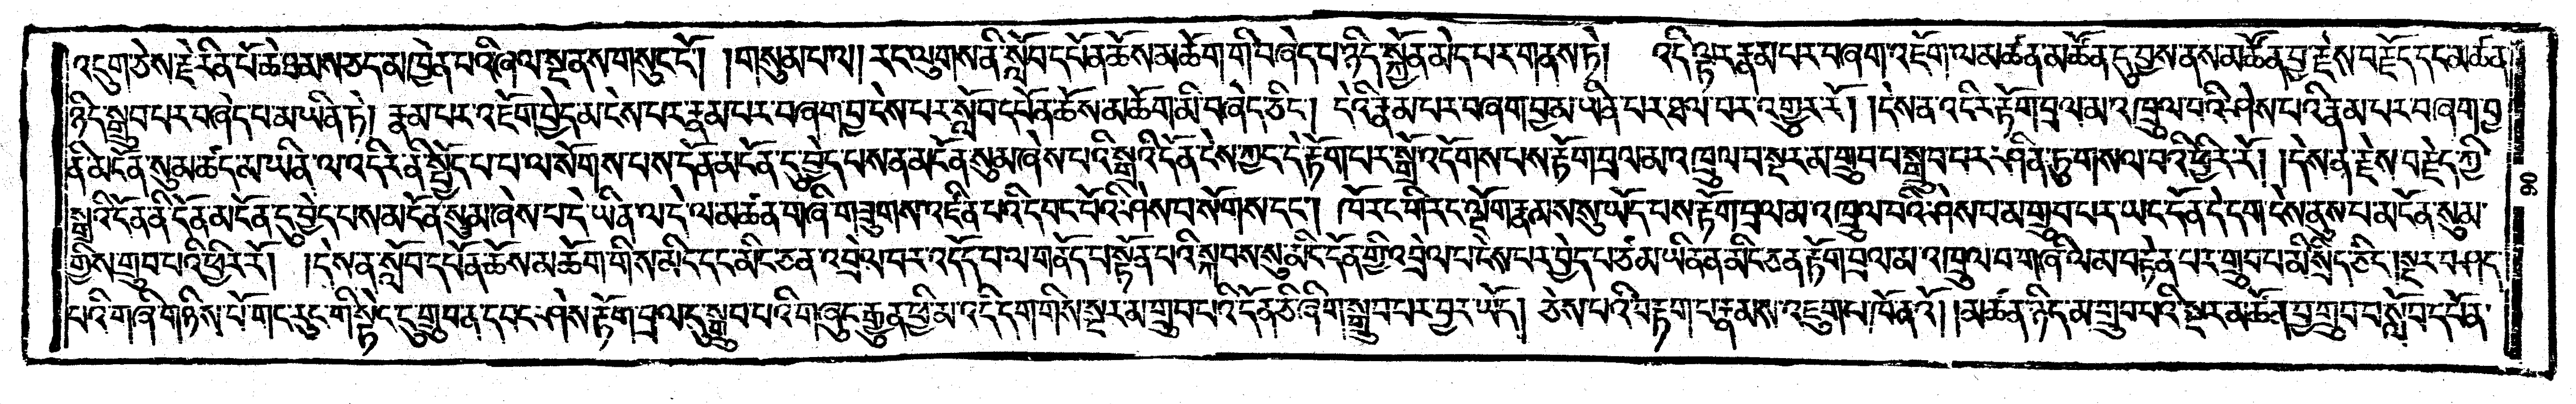འདུག་ཅེས་རྗེ་རིན་པོ་ཆེ་ཐམས་ཅད་མཁྱེན་པའི་ཞལ་སྔ་ནས་གསུང་ངོ། །གསུམ་པ་ལ། རང་ལུགས་ནི་སློབ་དཔོན་ཆོས་མཆོག་གི་བཞེད་པ་ཉིད་སྐྱོན་མེད་པར་གནས་ཏེ། འདི་ལྟར་རྣམ་པར་བཞག་འཇོག་ལ་མཚན་མཚོན་དུ་བྱས་ནས་མཚོན་བྱ་རྗེས་བརྗོད་དང་མཚན་
ཉིད་སྒྲུབ་པར་བཞེད་པ་མ་ཡིན་ཏེ། རྣམ་པར་འཇོག་བྱེད་མ་ངེས་པར་རྣམ་པར་བཞག་བྱ་ངེས་པར་སློབ་དཔོན་ཆོས་མཆོག་མི་བཞེད་ཅིང་། དེའི་རྣམ་པར་བཞག་བྱ་མ་ཡིན་པར་ཐལ་བར་འགྱུར་རོ། །དེས་ན་འདིར་རྟོག་བྲལ་མ་འཁྲུལ་བའི་ཤེས་པའི་རྣམ་པར་བཞག་བྱ་
ནི་མངོན་སུམ་ཚད་མ་ཡིན་ལ་འདིར་ནི་སྤྱོད་པ་པ་ལ་སོགས་པས་དོན་མངོན་དུ་བྱེད་པས་ན་མངོན་སུམ་ཞེས་པའི་སྒྲའི་དོན་ངེས་ཀྱང་དེ་རྟོག་པར་སྒྲོ་འདོགས་པས་རྟོག་བྲལ་མ་འཁྲུལ་བ་སྔར་མ་གྲུབ་པ་སྒྲུབ་པར་ཤིན་ཏུ་གསལ་བའི་ཕྱིར་རོ། །དེས་ན་རྗེས་བརྗེད་ཀྱི་
སྒྲའི་དོན་ནི་དོན་མངོན་དུ་བྱེད་པས་མངོན་སུམ་ཞེས་པ་དེ་ཡིན་ལ་དེ་ལ་མཚན་གཞི་གཟུགས་འཛིན་པའི་དབང་པོའི་ཤེས་པ་སོགས་དང་། ཁོ་རང་གི་རང་ལྡོག་རྣམས་སུ་ཡོད་པས་རྟོག་བྲལ་མ་འཁྲུལ་བའི་ཤེས་པ་མ་གྲུབ་པར་ཡང་དོན་དེ་དག་ངེས་ནུས་པ་མངོན་སུམ་
གྱིས་གྲུབ་པའི་ཕྱིར་རོ། །དེས་ན་སློབ་དཔོན་ཆོས་མཆོག་གིས་མིང་དང་མིང་ཅན་འབྲེལ་པར་འདོད་པ་ལ་གནོད་པ་སྟོན་པའི་སྐབས་སུ་མིང་དོན་གྱི་འབྲེལ་པ་ངེས་པར་བྱེད་པ་ཙམ་ཡིན་ན་མིང་ཅན་རྟོག་བྲལ་མ་འཁྲུལ་བ་གཞི་ལ་མ་བརྟེན་པར་གྲུབ་པ་མི་སྲིད་ཅིང་། སྔར་བཤད་
པའི་གཞི་གཉིས་པོ་གང་རུང་གི་སྟེང་དུ་གྲུབ་ན་དབང་ཤེས་རྟོག་བྲལ་དུ་སྒྲུབ་པའི་གཞུང་རྒྱུན་ཕྱི་མ་འདི་དག་གིས་སྔར་མ་གྲུབ་པའི་དོན་ཅི་ཞིག་སྒྲུབ་པར་བྱར་ཡོད། ཅེས་པའི་བརྟག་པ་རྣམས་འཇུག་པ་ཁོ་ནའོ། །མཚན་ཉིད་མ་གྲུབ་པའི་སྔར་མཚོན་བྱ་གྲུབ་པ་སློབ་དཔོན་